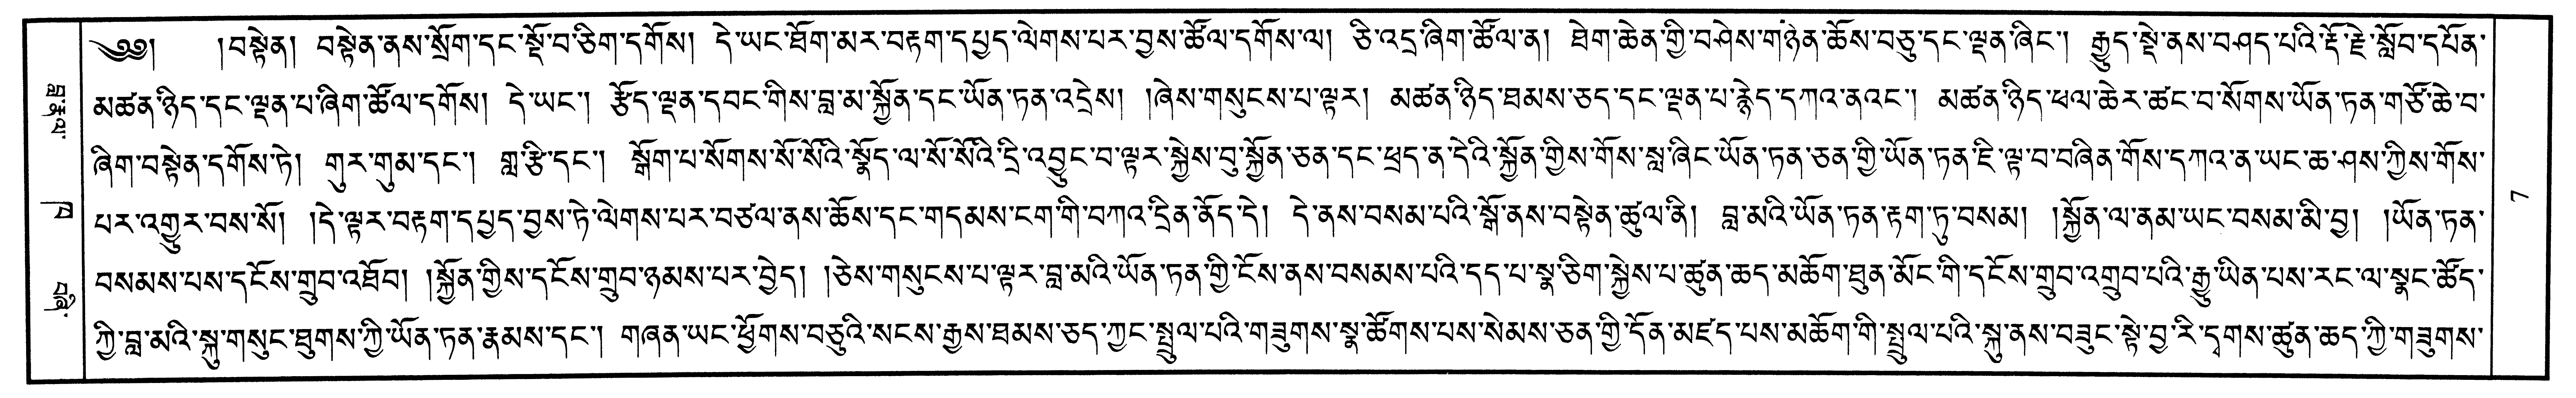༄༅། །བསྟེན། བསྟེན་ནས་སྲོག་དང་སྡོ་བ་ཅིག་དགོས། དེ་ཡང་ཐོག་མར་བརྟག་དཔྱད་ལེགས་པར་བྱས་ཚོལ་དགོས་ལ། ཅི་འདྲ་ཞིག་ཚོལ་ན། ཐེག་ཆེན་གྱི་བཤེས་གཉེན་ཆོས་བཅུ་དང་ལྡན་ཞིང་། རྒྱུད་སྡེ་ནས་བཤད་པའི་རྡོ་རྗེ་སློབ་དཔོན་
མཚན་ཉིད་དང་ལྡན་པ་ཞིག་ཚོལ་དགོས། དེ་ཡང་། རྩོད་ལྡན་དབང་གིས་བླ་མ་སྐྱོན་དང་ཡོན་ཏན་འདྲེས། །ཞེས་གསུངས་པ་ལྟར། མཚན་ཉིད་ཐམས་ཅད་དང་ལྡན་པ་རྙེད་དཀའ་ནའང་། མཚན་ཉིད་ཕལ་ཆེར་ཚང་བ་སོགས་ཡོན་ཏན་གཙོ་ཆེ་བ་
ཞིག་བསྟེན་དགོས་ཏེ། གུར་གུམ་དང་། གླ་རྩི་དང་། སྒོག་པ་སོགས་སོ་སོའི་སྣོད་ལ་སོ་སོའི་དྲི་འབྱུང་བ་ལྟར་སྐྱེས་བུ་སྐྱོན་ཅན་དང་ཕྲད་ན་དེའི་སྐྱོན་གྱིས་གོས་སླ་ཞིང་ཡོན་ཏན་ཅན་གྱི་ཡོན་ཏན་ཇི་ལྟ་བ་བཞིན་གོས་དཀའ་བ་ན་ཡང་ཆ་ཤས་ཀྱིས་གོས་
པར་འགྱུར་བས་སོ། །དེ་ལྟར་བརྟག་དཔྱད་བྱས་ཏེ་ལེགས་པར་བཙལ་ནས་ཆོས་དང་གདམས་ངག་གི་བཀའ་དྲིན་ནོད་དེ། དེ་ནས་བསམ་པའི་སྒོ་ནས་བསྟེན་ཚུལ་ནི། བླ་མའི་ཡོན་ཏན་རྟག་ཏུ་བསམ། །སྐྱོན་ལ་ནམ་ཡང་བསམ་མི་བྱ། །ཡོན་ཏན་
བསམས་པས་དངོས་གྲུབ་འཐོབ། །སྐྱོན་གྱིས་དངོས་གྲུབ་ཉམས་པར་བྱེད། །ཅེས་གསུངས་པ་ལྟར་བླ་མའི་ཡོན་ཏན་གྱི་ངོས་ནས་བསམས་པའི་དད་པ་སྣ་ཅིག་སྐྱེས་པ་ཚུན་ཆད་མཆོག་ཐུན་མོང་གི་དངོས་གྲུབ་འགྲུབ་པའི་རྒྱུ་ཡིན་པས་རང་ལ་སྣང་ཚོད་
ཀྱི་བླ་མའི་སྐུ་གསུང་ཐུགས་ཀྱི་ཡོན་ཏན་རྣམས་དང་། གཞན་ཡང་ཕྱོགས་བཅུའི་སངས་རྒྱས་ཐམས་ཅད་ཀྱང་སྤྲུལ་པའི་གཟུགས་སྣ་ཚོགས་པས་སེམས་ཅན་ཀྱི་དོན་མཛད་པས་མཆོག་གི་སྤྲུལ་པའི་སྐུ་ནས་བཟུང་སྟེ་བྱ་རི་དྭགས་ཚུན་ཆད་ཀྱི་གཟུགས་